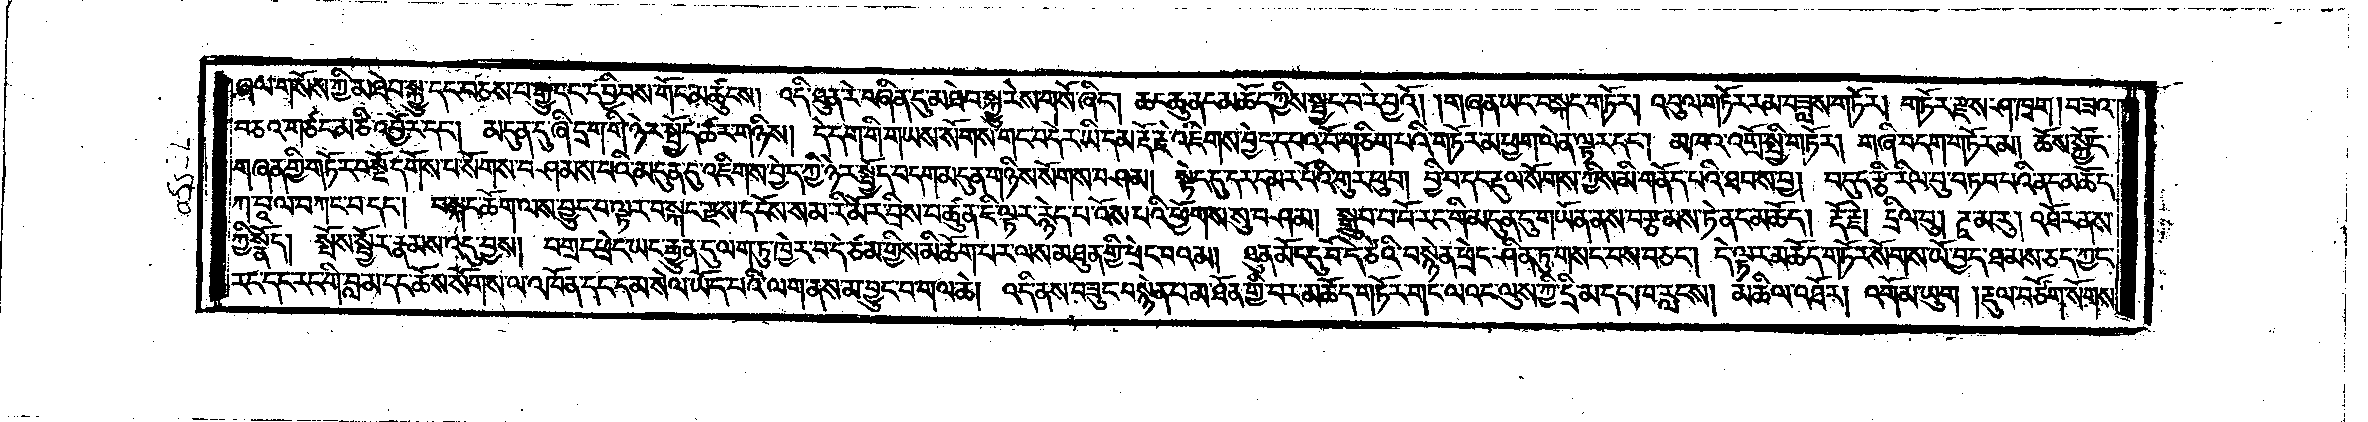ཞལ་གསོས་ཀྱི་མཐེབ་སྐྱུ་དང་བཅས་པ་རྒྱུ་དང་དབྱིབས་གོང་མཚུངས། འདི་ཐུན་རེ་བཞིན་དུ་མཐེབ་སྐྱུ་རེས་གསོ་ཞིང་། ཆང་ཆུ་ནང་མཆོད་ཀྱིས་སྦྱང་བ་རེ་བྱའོ། །གཞན་ཡང་བསྐང་གཏོར། འབུལ་གཏོར་རམ་བཟླས་གཏོར། གཏོར་རྫས་ཤ་ཁྲག །བཟའ་
བཅའ་གཙང་མ་ཅི་འབྱོར་དང་། མདུན་དུ་ཞི་དྲག་གི་ཉེར་སྤྱོད་ཚར་གཉིས། དེ་དག་གི་གཡས་སོགས་གང་བདེར་ཡི་དམ་རྡོ་རྗེ་འཇིགས་བྱེད་དཔའ་བོ་གཅིག་པའི་གཏོར་མ་ཕྱག་ལེན་ལྟར་དང་། མཁའ་འགྲོ་སྤྱི་གཏོར་མ་ཕྱག་ལེན་ལྟར་དང་། མཁའ་འགྲོ་སྤྱི་གཏོར། གཞི་བདག་གཏོར་མ། ཆོས་སྐྱོང་
གཞན་གྱི་གཏོར་བསྔོ་དགོས་པ་སོགས་བཤམས་པའི་མདུན་དུ་འཇིགས་བྱེད་ཀྱི་ཉེར་སྤྱོད་བདག་མདུན་གཉིས་སོགས་བཤམ། སྟེང་དུ་དར་དམར་པོའི་གུར་ཕུབ། བྱི་བ་དང་རྡུལ་སོགས་ཀྱིས་མི་གནོད་པའི་ཐབས་བྱ། བདུད་རྩི་རིལ་བུ་བཏབ་པའི་ནང་མཆོད་
ཀ་པཱ་ལ་བཀང་བ་དང་། བསྐང་ཆོག་ལས་བྱུང་བ་ལྟར་པ་སྐང་རྫས་དངོས་ས་མ་རི་མོར་བྲིས་པ་ཚུན་ཇི་ལྟར་རྙེད་པ་འོས་པའི་ཕྱོགས་སུ་བཤམ། སྒྲུབ་པ་པོ་རང་གི་མདུན་དུ་གཡོན་ནས་བརྩམས་ཏེ་ནང་མཆོད། རྡོ་རྗེ། དྲིལ་བུ། ཊཱ་མ་རུ། འཐོར་ནས་
ཀྱི་སྣོད། སྤོས་སྦྱོར་རྣམས་འདུ་བྱས། བགྲང་ཕྲེང་ཡང་རྒྱུན་དུ་ལག་ཏུ་ཁྱེར་བ་དེ་ཙམ་གྱིས་མི་ཆོག་པར་ལས་མཐུན་གྱི་ཕྲེང་བའམ། ཐུན་མོང་དུ་བོ་དེ་ཙེའི་བསྙེན་སྲེང་ཤིན་ཏུ་གསང་བས་བཅང་། དེ་ལྟར་མཆོད་གཏོར་སོགས་ཡོ་བྱེད་ཐམས་ཅད་ཀྱང་
རང་དང་རང་གི་བླ་མ་དང་ཆོས་སོགས་ལ་འཁོན་དང་དམ་སེལ་ཡོད་པའི་ལག་ནས་མ་བྱུང་བ་གལ་ཆེ། འདི་ནས་བཟུང་བསྙེན་པ་མ་ཐོན་གྱི་པར་མཆོད་གཏོར་གང་ལའང་ལུས་ཀྱི་དྲི་མ་དང་ཁ་རླངས། མཆིལ་འཐོར། འགོམ་ཡུག །རྡུལ་བཙོག་སོགས་